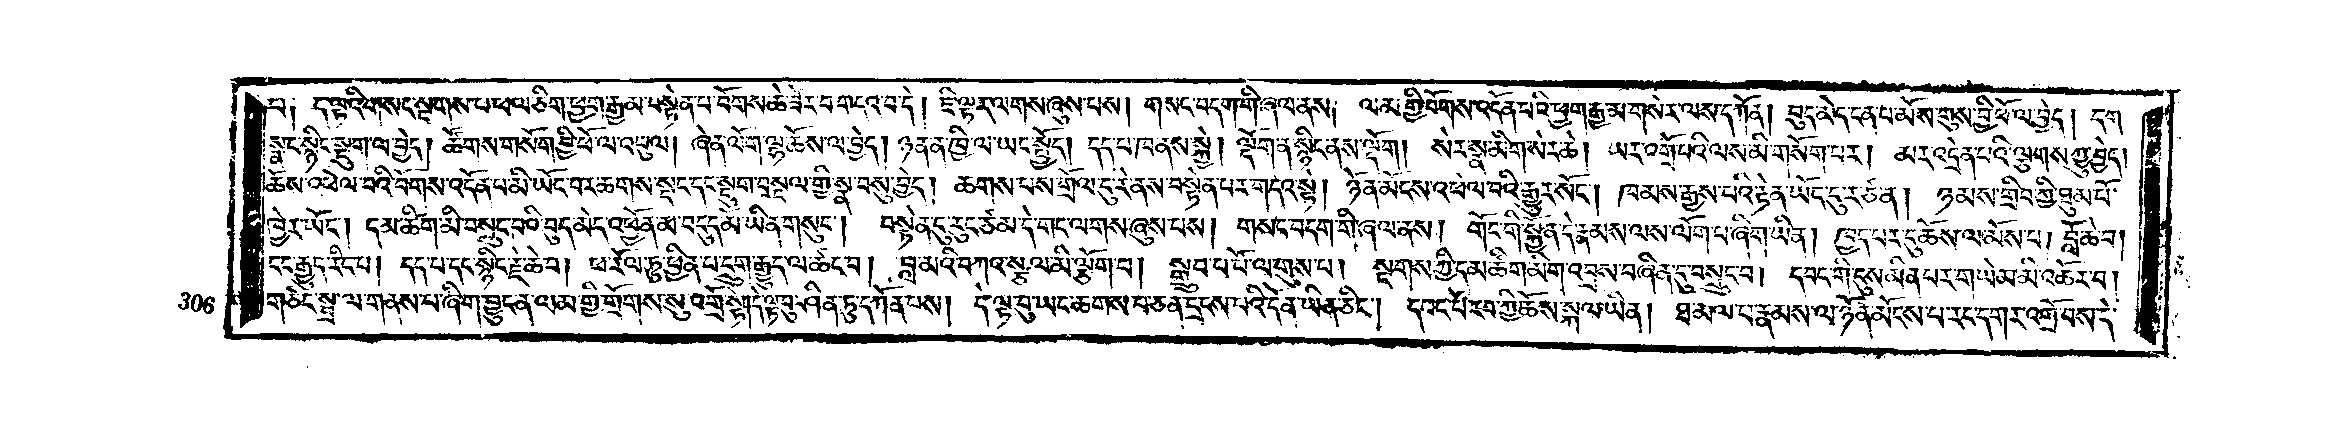པ། ད་ལྟའི་གསང་སྔགས་པ་ཕལ་ཅིག་ཕྱག་རྒྱ་མ་བསྟེན་པ་བོགས་ཆེ་ཟེར་བ་གདའ་བ་དེ། ཇི་ལྟར་ལགས་ཞུས་པས། གསང་བདག་གི་ཞལ་ནས། ལམ་གྱི་བོགས་འདོན་པའི་ཕྱག་རྒྱ་མ་གསེར་ལས་དཀོན། བུད་མེད་ངན་པ་མོས་གུས་བྱི་ཕོ་ལ་བྱེད། དག་
སྣང་སྙིང་སྡུག་ལ་བྱེད། ཚོགས་གསོག་བྱི་ཕོ་ལ་འབུལ། ཞེན་ལོག་ལྷ་ཆོས་ལ་བྱེད། ཉན་ན་ཁྱི་ལ་ཡང་སྤྱོད། དད་པ་ཁ་ནས་སྐྱེ། ལྡོག་ན་སྙིང་ནས་ལྡོག །སེར་སྣ་མིག་སེར་ཆེ། ཡར་འགྲོ་བའི་ལས་མི་གསོག་པར། མར་འདྲེན་པའི་ལྕགས་ཀྱུ་བྱེད།
ཆོས་འཕེལ་བའི་བོགས་འདོན་པ་མི་ཡོང་བར་ཆགས་སྡང་དང་སྡུག་བསྔལ་གྱི་སྣ་བསུ་བྱེད། ཆགས་པས་གྲོལ་དུ་རེ་ནས་བསྟེན་པར་གདའ་སྟེ། ཉོན་མོངས་འཕེལ་བའི་རྒྱུར་སོང་། ཁམས་རྒྱས་པའི་རྟེན་ཡོང་དུ་ར་ཙ་ན། ཉམས་གྲིབ་ཀྱི་ཐུམ་པོ་
ཁྱེར་ཡོང་། དམ་ཚིག་མི་བསྲུང་བའི་བུད་མེད་འཕྱོན་མ་བདུད་མོ་ཡིན་གསུང་། བསྟེན་དུ་རུང་ཙམ་དེ་གང་ལགས་ཞུས་པས། གསང་བདག་གི་ཞལ་ནས། གོང་གི་སྐྱོན་དེ་རྣམས་ལས་ལོག་པ་ཞིག་ཡིན། ཁྱད་པར་དུ་ཆོས་ལ་མོས་པ། བློ་ཆེ་བ།
ངང་རྒྱུད་རིང་པ། དད་པ་དང་སྙིང་རྗེ་ཆེ་བ། ཕ་རོལ་ཏུ་ཕྱིན་པ་དྲུག་རྒྱུད་ལ་ཚང་བ། བླ་མའི་བཀའ་སྩལ་མི་ལྕོག་པ། སྒྲུབ་པ་པོ་ལ་གུས་པ། སྔགས་ཀྱི་དམ་ཚིག་མིག་འབྲས་བཞིན་དུ་བསྲུང་བ། དབང་གི་དུས་མིན་པར་གཡེམ་མི་འཆོར་བ།
གཙང་སྦྲ་ལ་གནས་པ་ཞིག་བྱུང་ན་ལམ་གྱི་གྲོགས་སུ་འགྲོ་སྟེ། དེ་ལྟ་བུ་ཤིན་ཏུ་དཀོན་པས། དེ་ལྟ་བུ་ཡང་ཆགས་པ་ཅན་དྲངས་པའི་དོན་ཡིན་ཅིང་། དབང་པོ་རབ་ཀྱི་ཆོས་སྐལ་ཡིན། ཐ་མལ་པ་རྣམས་ལ་ཉོན་མོངས་པ་རང་དགར་འགྲོ་བས་དེ་